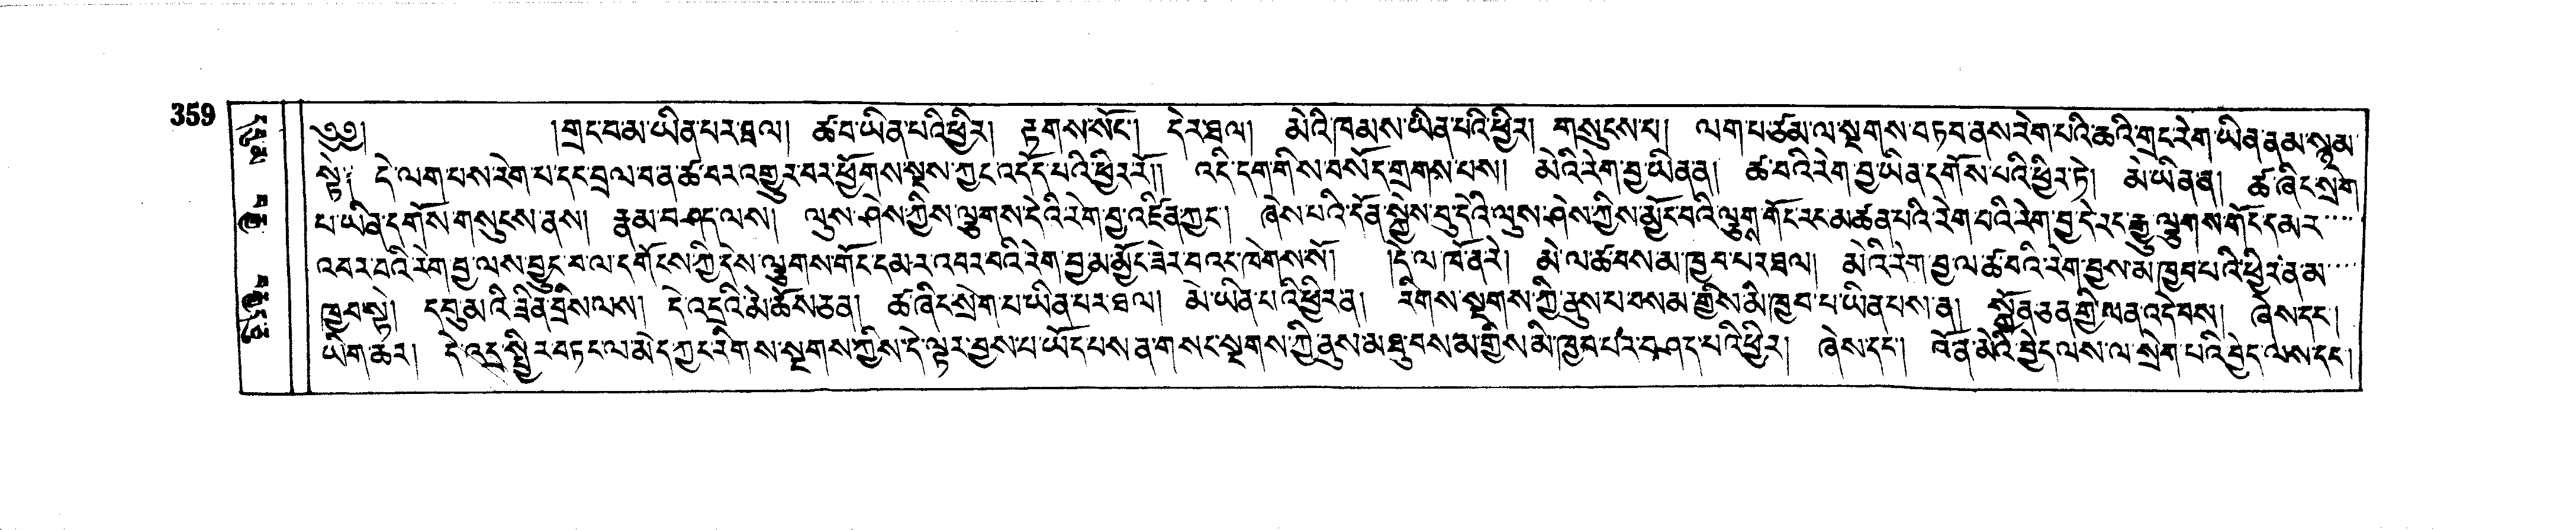༄༅། །གྲང་བ་མ་ཡིན་པར་ཐལ། ཚ་བ་ཡིན་པའི་ཕྱིར། རྟགས་སོང་། དེར་ཐལ། མེའི་ཁམས་ཡིན་པའི་ཕྱིར། གསུངས་པ། ལག་པ་ཙམ་ལ་སྔགས་བཏབ་ནས་རེག་པའི་ཆའི་གྲང་རེག་ཡིན་ནམ་སྙམ་
སྟེ། དེ་ལག་པས་རེག་པ་དང་བྲལ་བ་ན་ཚ་བར་འགྱུར་བར་ཕྱོགས་སྔས་ཀྱང་འདོད་པའི་ཕྱིར་རོ། །འདི་དག་གིས་བསོད་གྲགས་པས། མེའི་རེག་བྱ་ཡིན་ན། ཚ་བའི་རེག་བྱ་ཡིན་དགོས་པའི་ཕྱིར་ཏེ། མེ་ཡིན་ན། ཚ་ཞིང་སྲེག་
པ་ཡིན་དགོས་གསུངས་ནས། རྣམ་བཤད་ལས། ལུས་ཤེས་ཀྱིས་ལྕགས་དེའི་རེག་བྱ་འཛིན་ཀྱང་། ཞེས་པའི་དོན་སྐྱེས་བུ་དེའི་ལུས་ཤེས་ཀྱིས་མྱོང་བའི་ལྕགས་གོང་རང་མཚན་པའི་རེག་པའི་རེག་བྱ་དེ་རང་རྒྱུ་ལྕགས་གོང་དམར་
འབར་བའི་རེག་བྱ་ལས་བྱུང་བ་ལ་དགོངས་ཀྱི་དེས་ལྕགས་གོང་དམར་འབར་བའི་རེག་བྱ་མ་མྱོང་ཟེར་བའང་ཁེགས་སོ། །དེ་ལ་ཁོ་ན་རེ། མེ་ལ་ཚ་བས་མ་ཁྱབ་པར་ཐལ། མེའི་རེག་བྱ་ལ་ཚ་བའི་རེག་བྱས་མ་ཁྱབ་པའི་ཕྱིར་ན་མ་
ཁྱབ་སྟེ། དབུ་མའི་ཟིན་བྲིས་ལས། དེ་འདྲའི་མེ་ཆོས་ཅན། ཚ་ཞིང་སྲེག་པ་ཡིན་པར་ཐལ། མེ་ཡིན་པའི་ཕྱིར་ན། རིགས་སྔགས་ཀྱི་ནུས་པ་བསམ་གྱིས་མི་ཁྱབ་པ་ཡིན་པས་ན། སྐྱོན་ཅན་གྱི་ལན་འདེབས། ཞེས་དང་།
ཡིག་ཆར། དེ་འདྲ་སྤྱིར་བཏང་ལ་མེད་ཀྱང་རིགས་སྔགས་ཀྱིས་དེ་ལྟར་བྱས་པ་ཡོད་པས་ན་གསང་སྔགས་ཀྱི་ནུས་མཐུ་བསམ་གྱིས་མི་ཁྱབ་པར་བཤད་པའི་ཕྱིར། ཞེས་དང་། འོ་ན་མེའི་བྱེད་ལས་ལ་སྲེག་པའི་བྱེད་ལས་དང་།